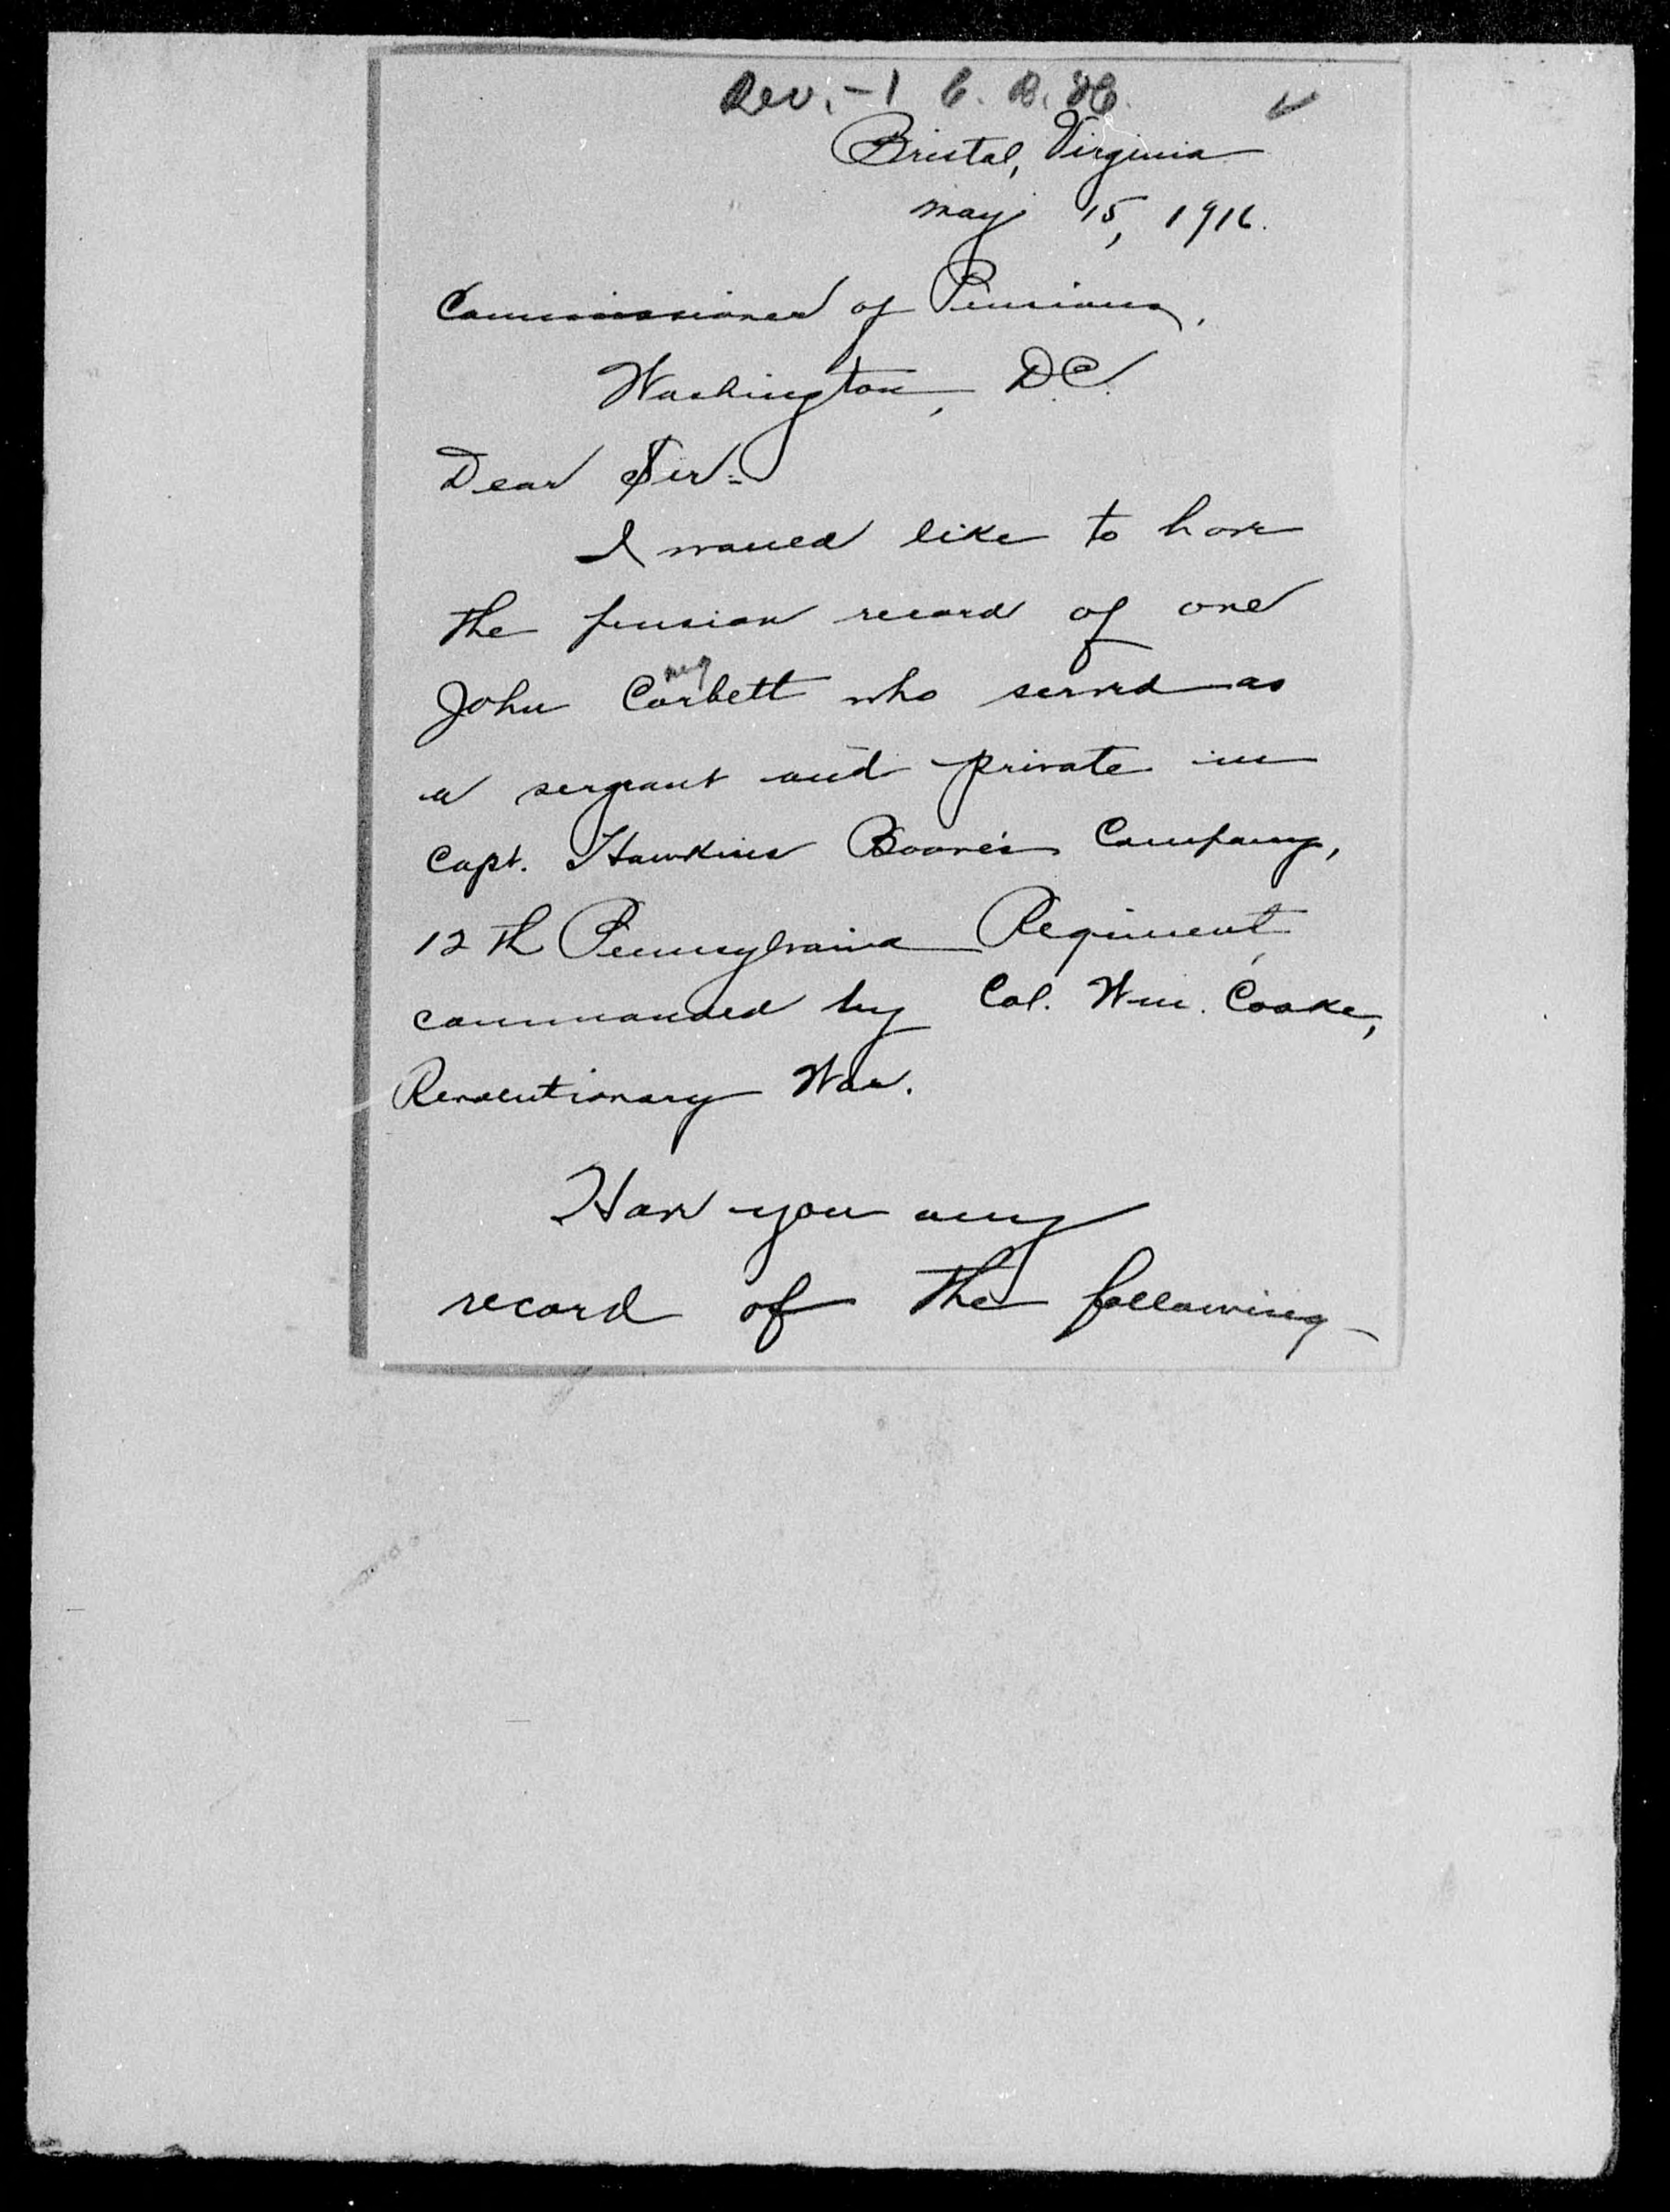[handwritten in different script:] Rev. -1  C.B.H.   [checkmark]
Handwritten:]  Bristol, Virginia
May 15, 1916.
Commissioner of Pensions. 
Washington, D.C.
Dear Sir,-
I would like to have the pension record of one John Corbett [reg written above Corbett] who served as a sergeant and private in Capt. Hawkins Boone's Company, 12th Pennsylvania Regiment commanded by Col. Wm. Cooke, Revolutionary War.
Have you my record of the following -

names: John Corbett, Wm Cooke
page: 21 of 24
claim: survivor's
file: S. 38727, Thomas Gilbreath, Penn.